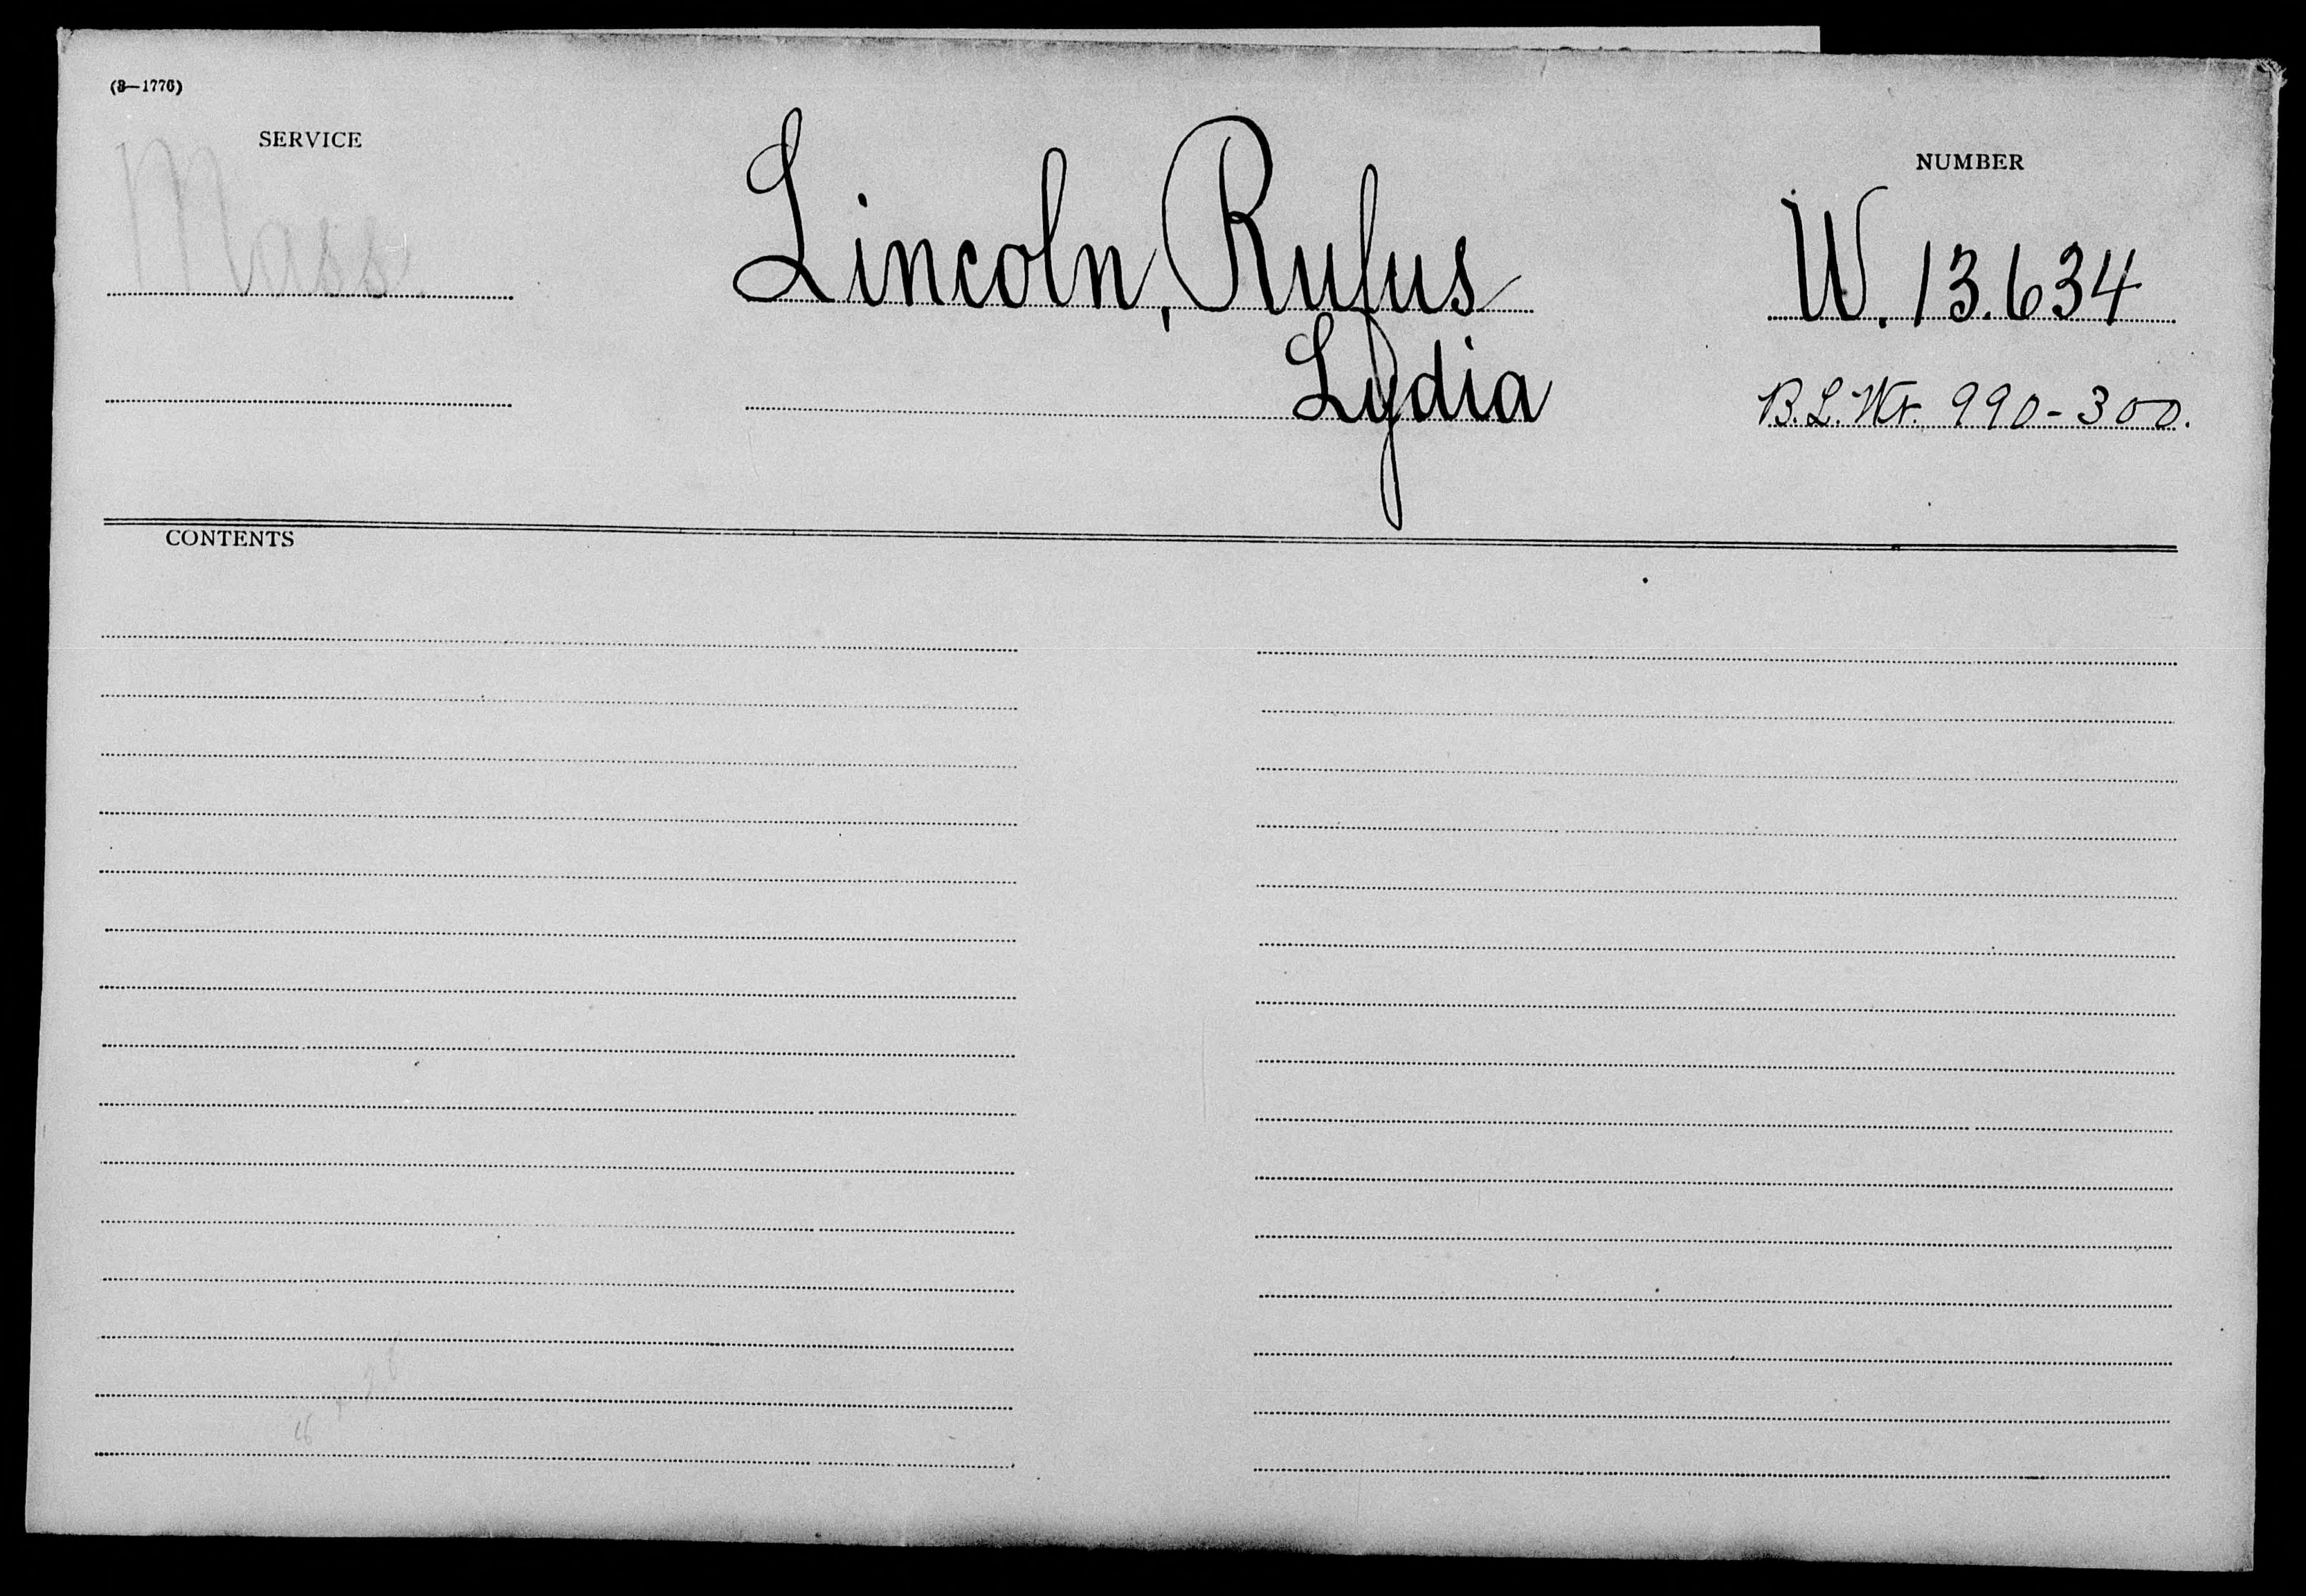Mass.        Lincoln, Rufus       W13634
                              Lydia        B.L. Wr. 990-300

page: 1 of 82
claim: widow's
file: W. 13,634, for Rufus Lincoln, Massachusetts